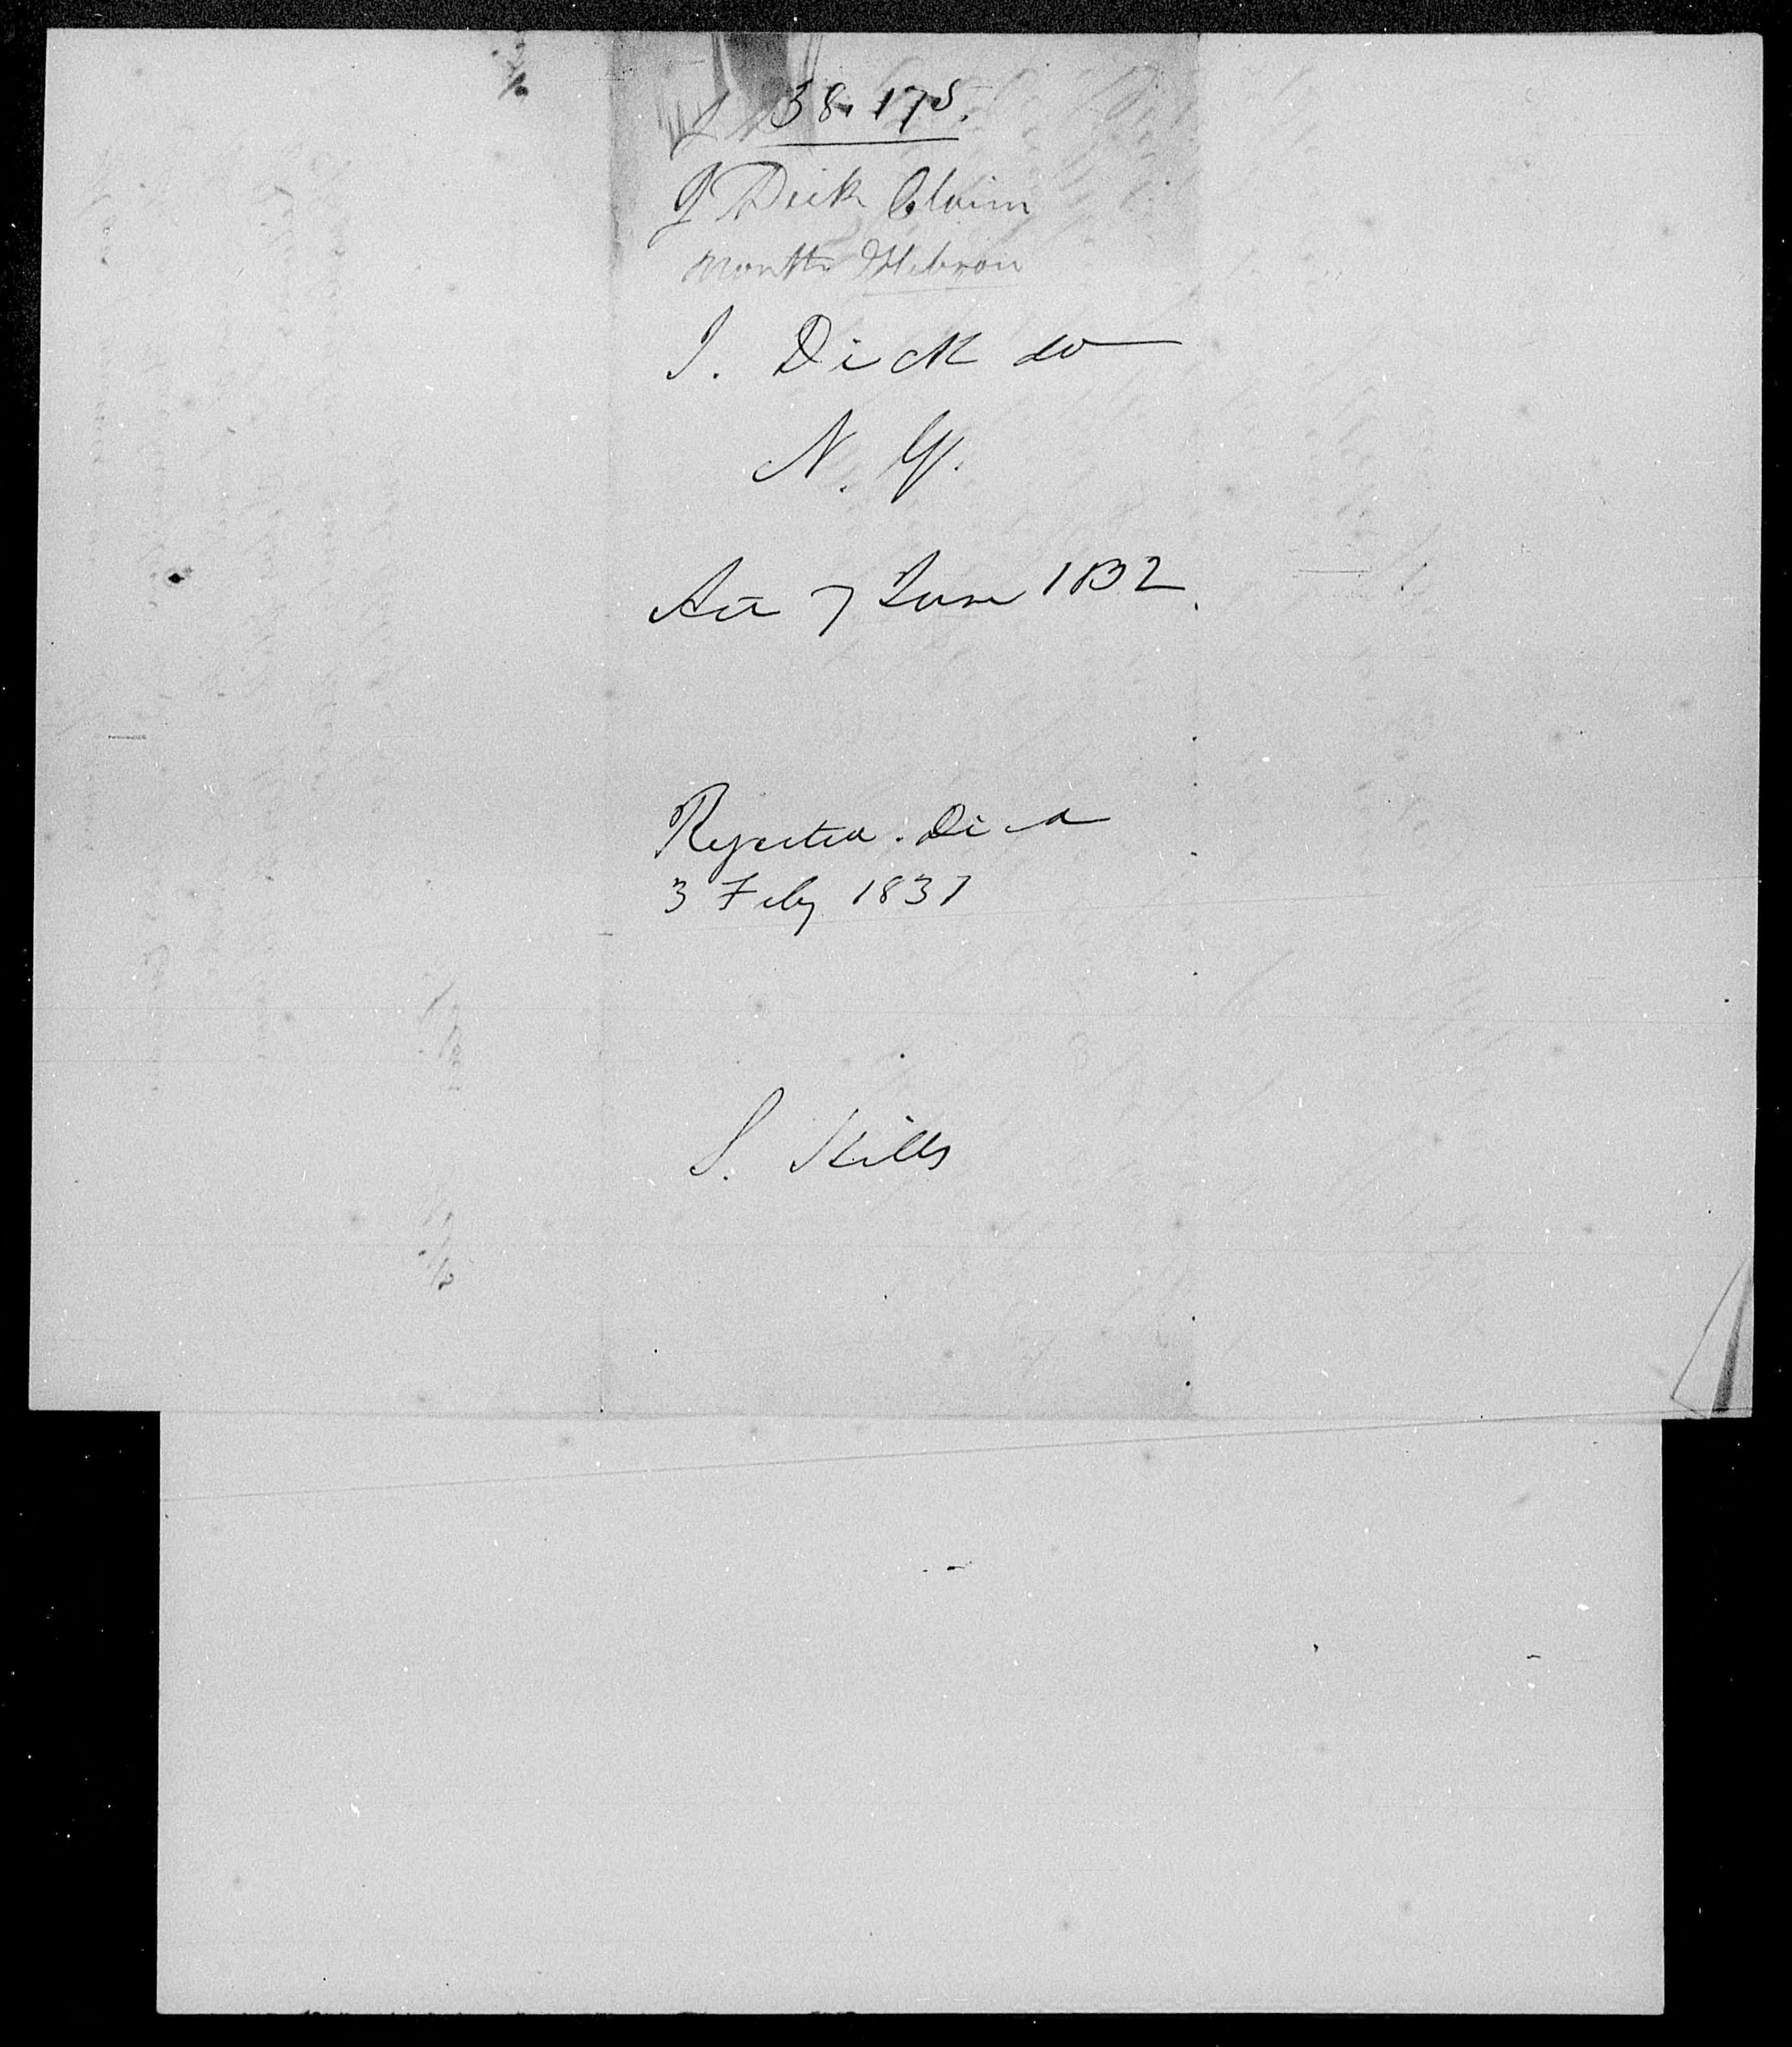38178
J. Dick Claim
North Hebron
J. Dick dec N. Y.
Act 7 June 1832
Rejected. Died 
3 Feby 1837
S. Hills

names: J Dick, S Hills, J Dick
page: 5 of 9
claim: rejected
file: R. 2,930, John Dick, Vt.